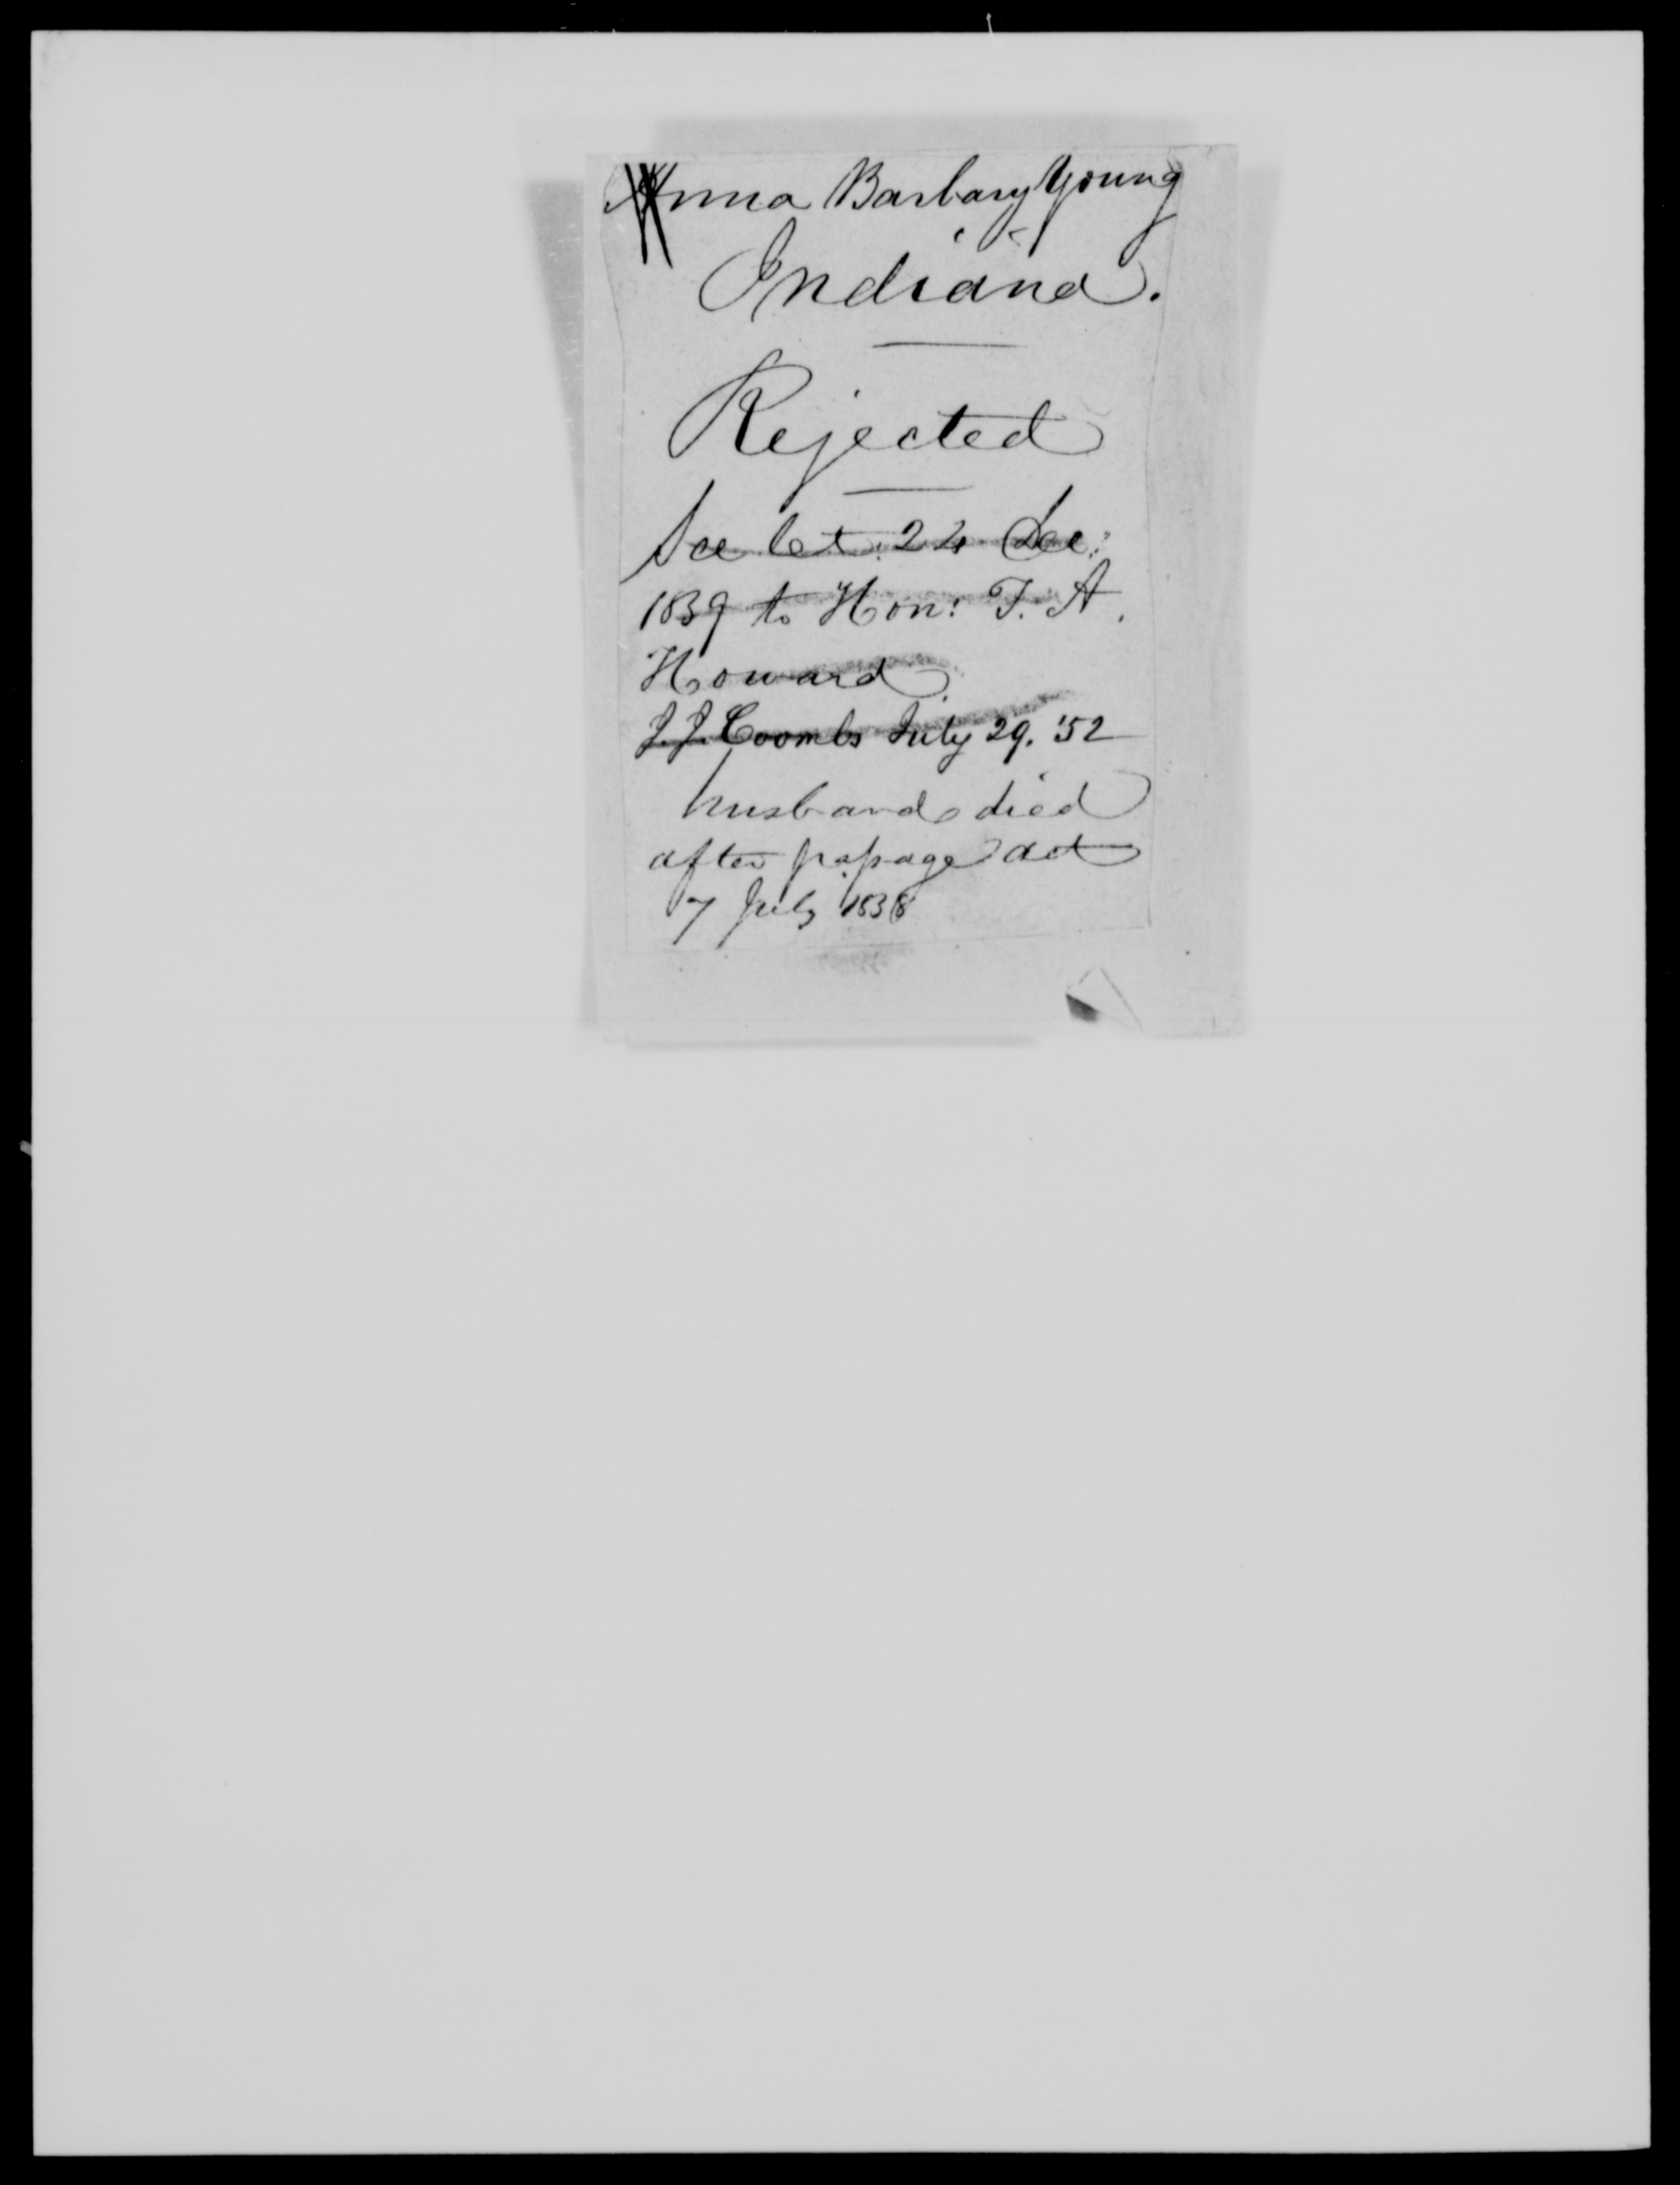Anna Barbary Young
Indiana

Rejected

See let 24 Dec
1839 to Hon. F.A.
Howard
J J Coombs July 29.52
husband died
after passage act
7 July 1836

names: J J Coombs, Anna Barbary Young, T A Howard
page: 71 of 123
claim: rejected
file: R. 11,949, Matthias Young, Md.